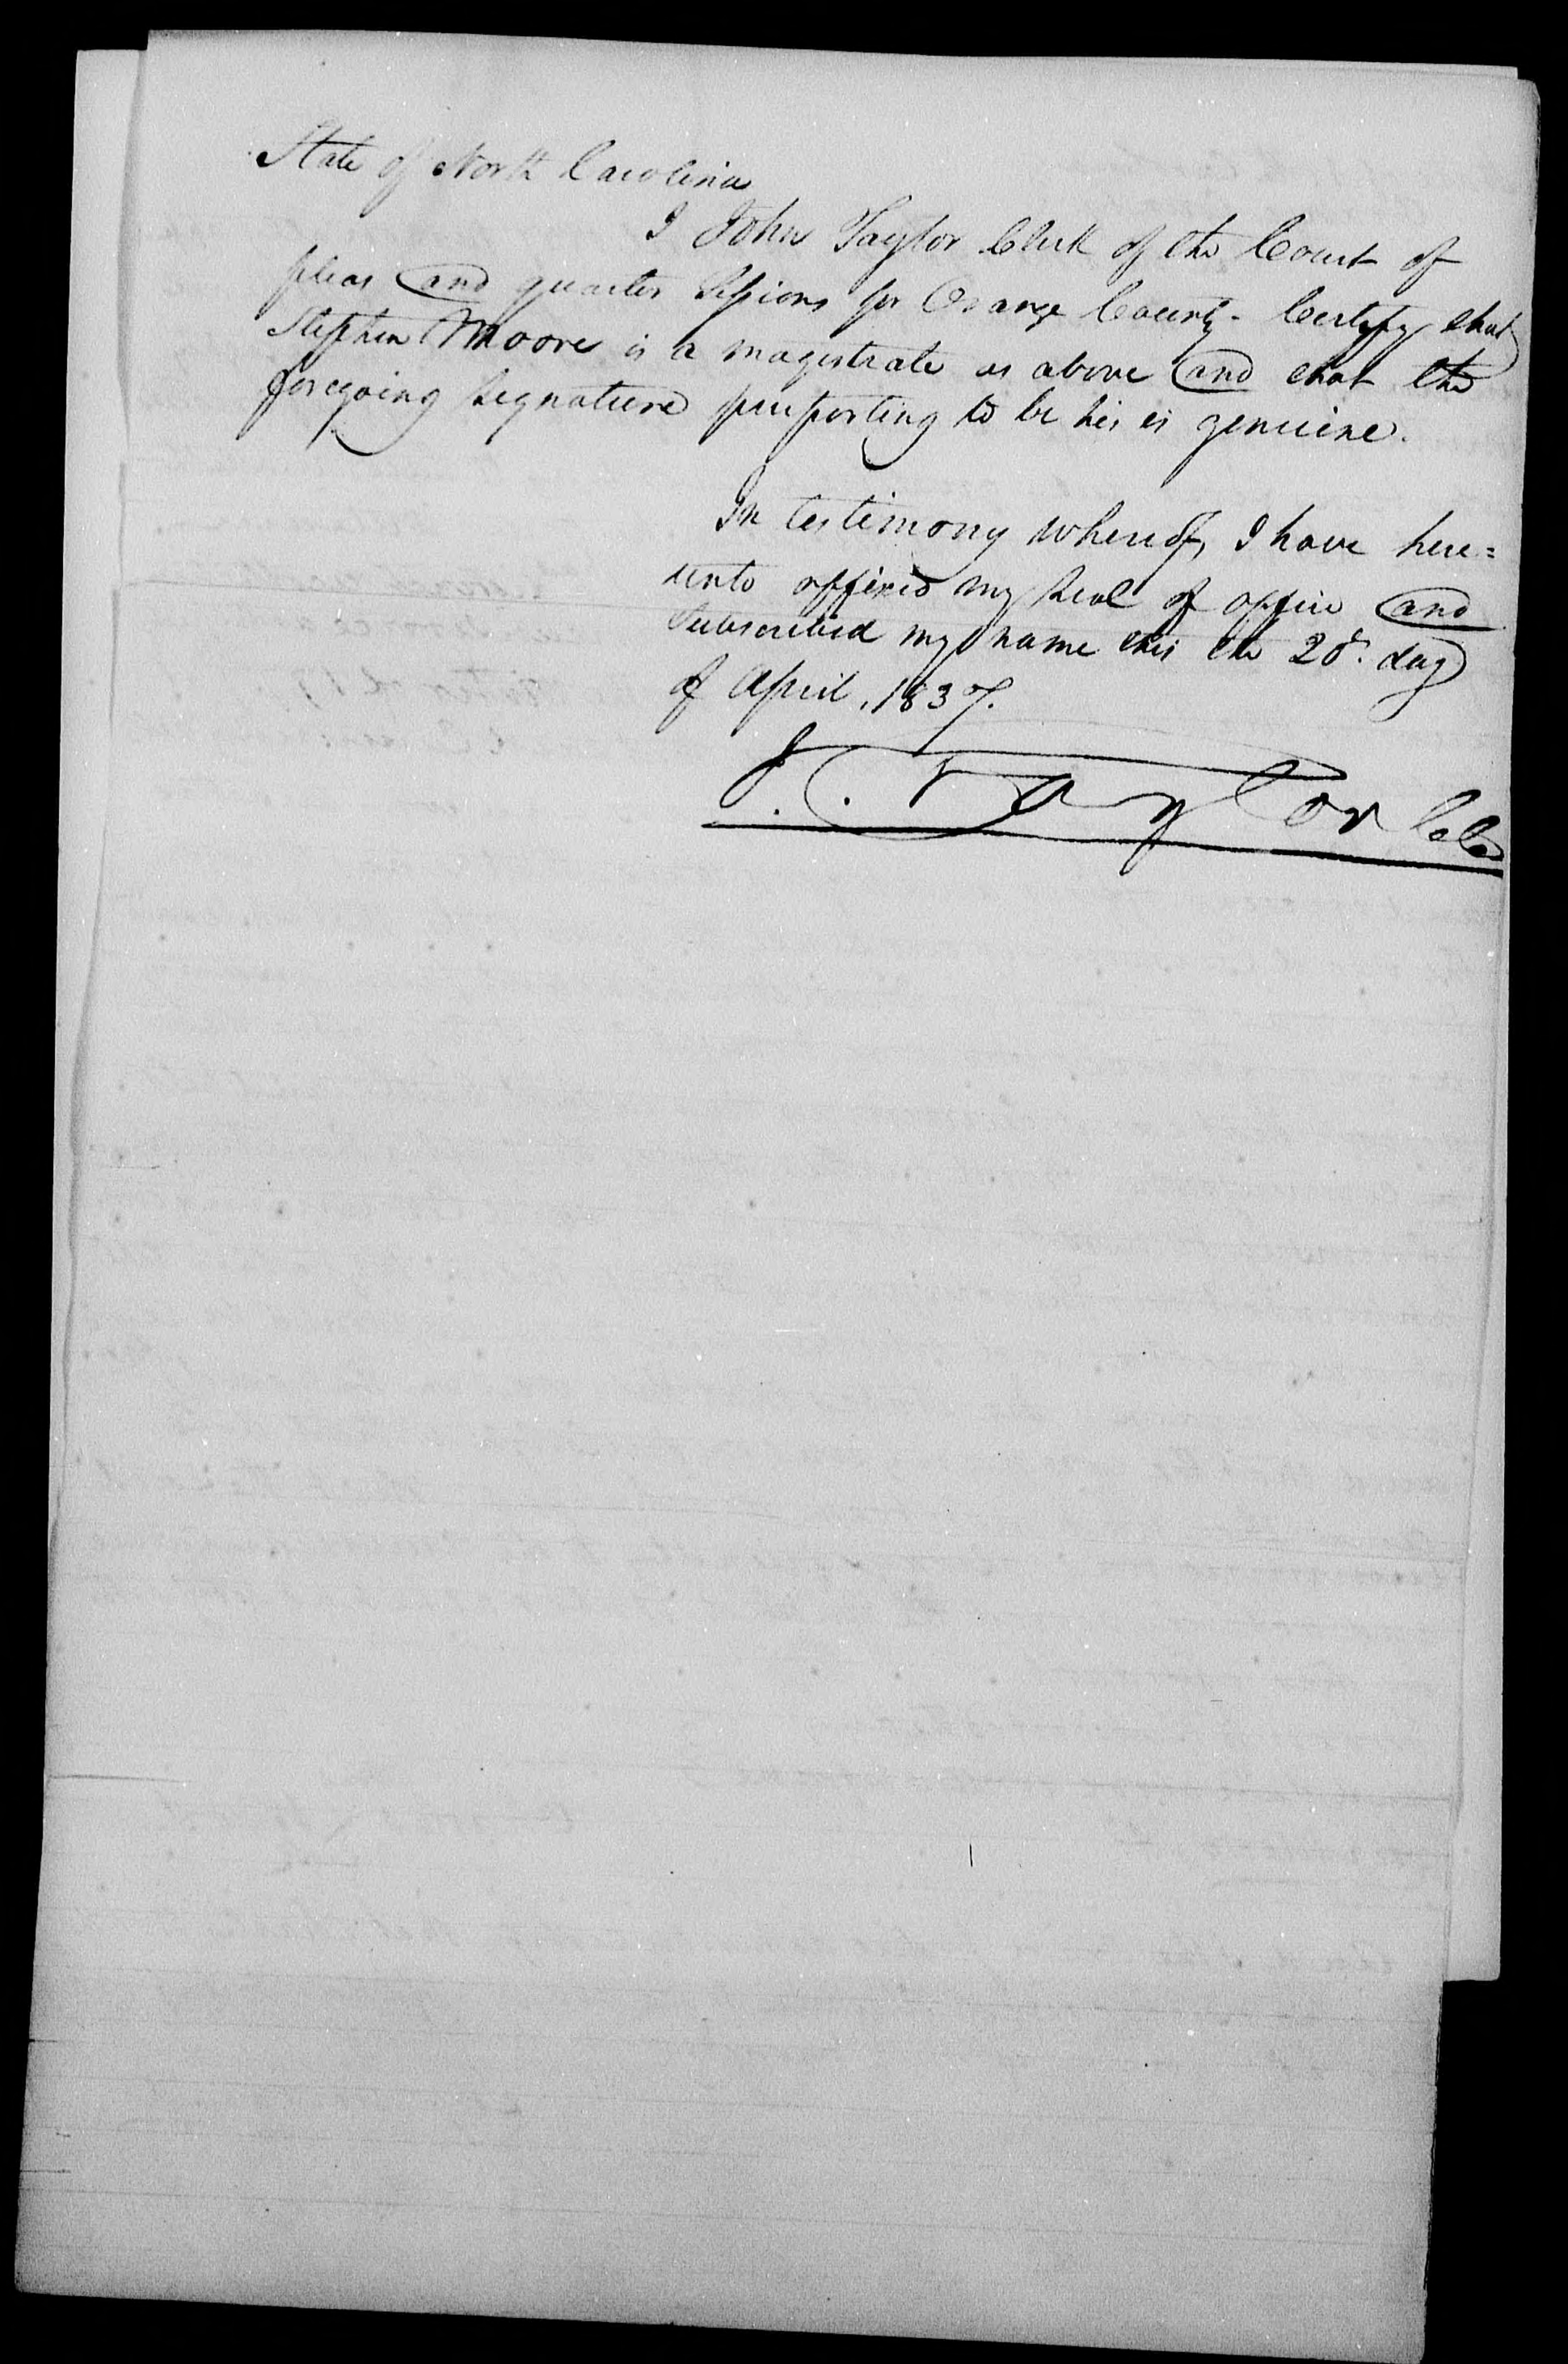[Handwritten record]

State of North Carolina
I John Taylor Clerk of the Court of pleas and quarter Sessions for Orange County. Certify that Stephen Moore is a magistrate as above and that the foregoing Signature purporting to be his is genuine.

In testimony whereof, I have hereunto affixed my Seal of office and Subscribed my name this the 20th. day of April, 1837.
[Underlined signature] J. Taylor CC [Clerk of Court]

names: J Cray Cox, Stephen Moore, John Taylor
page: 127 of 145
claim: survivor's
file: S. 8265, William Cumming, N.C.